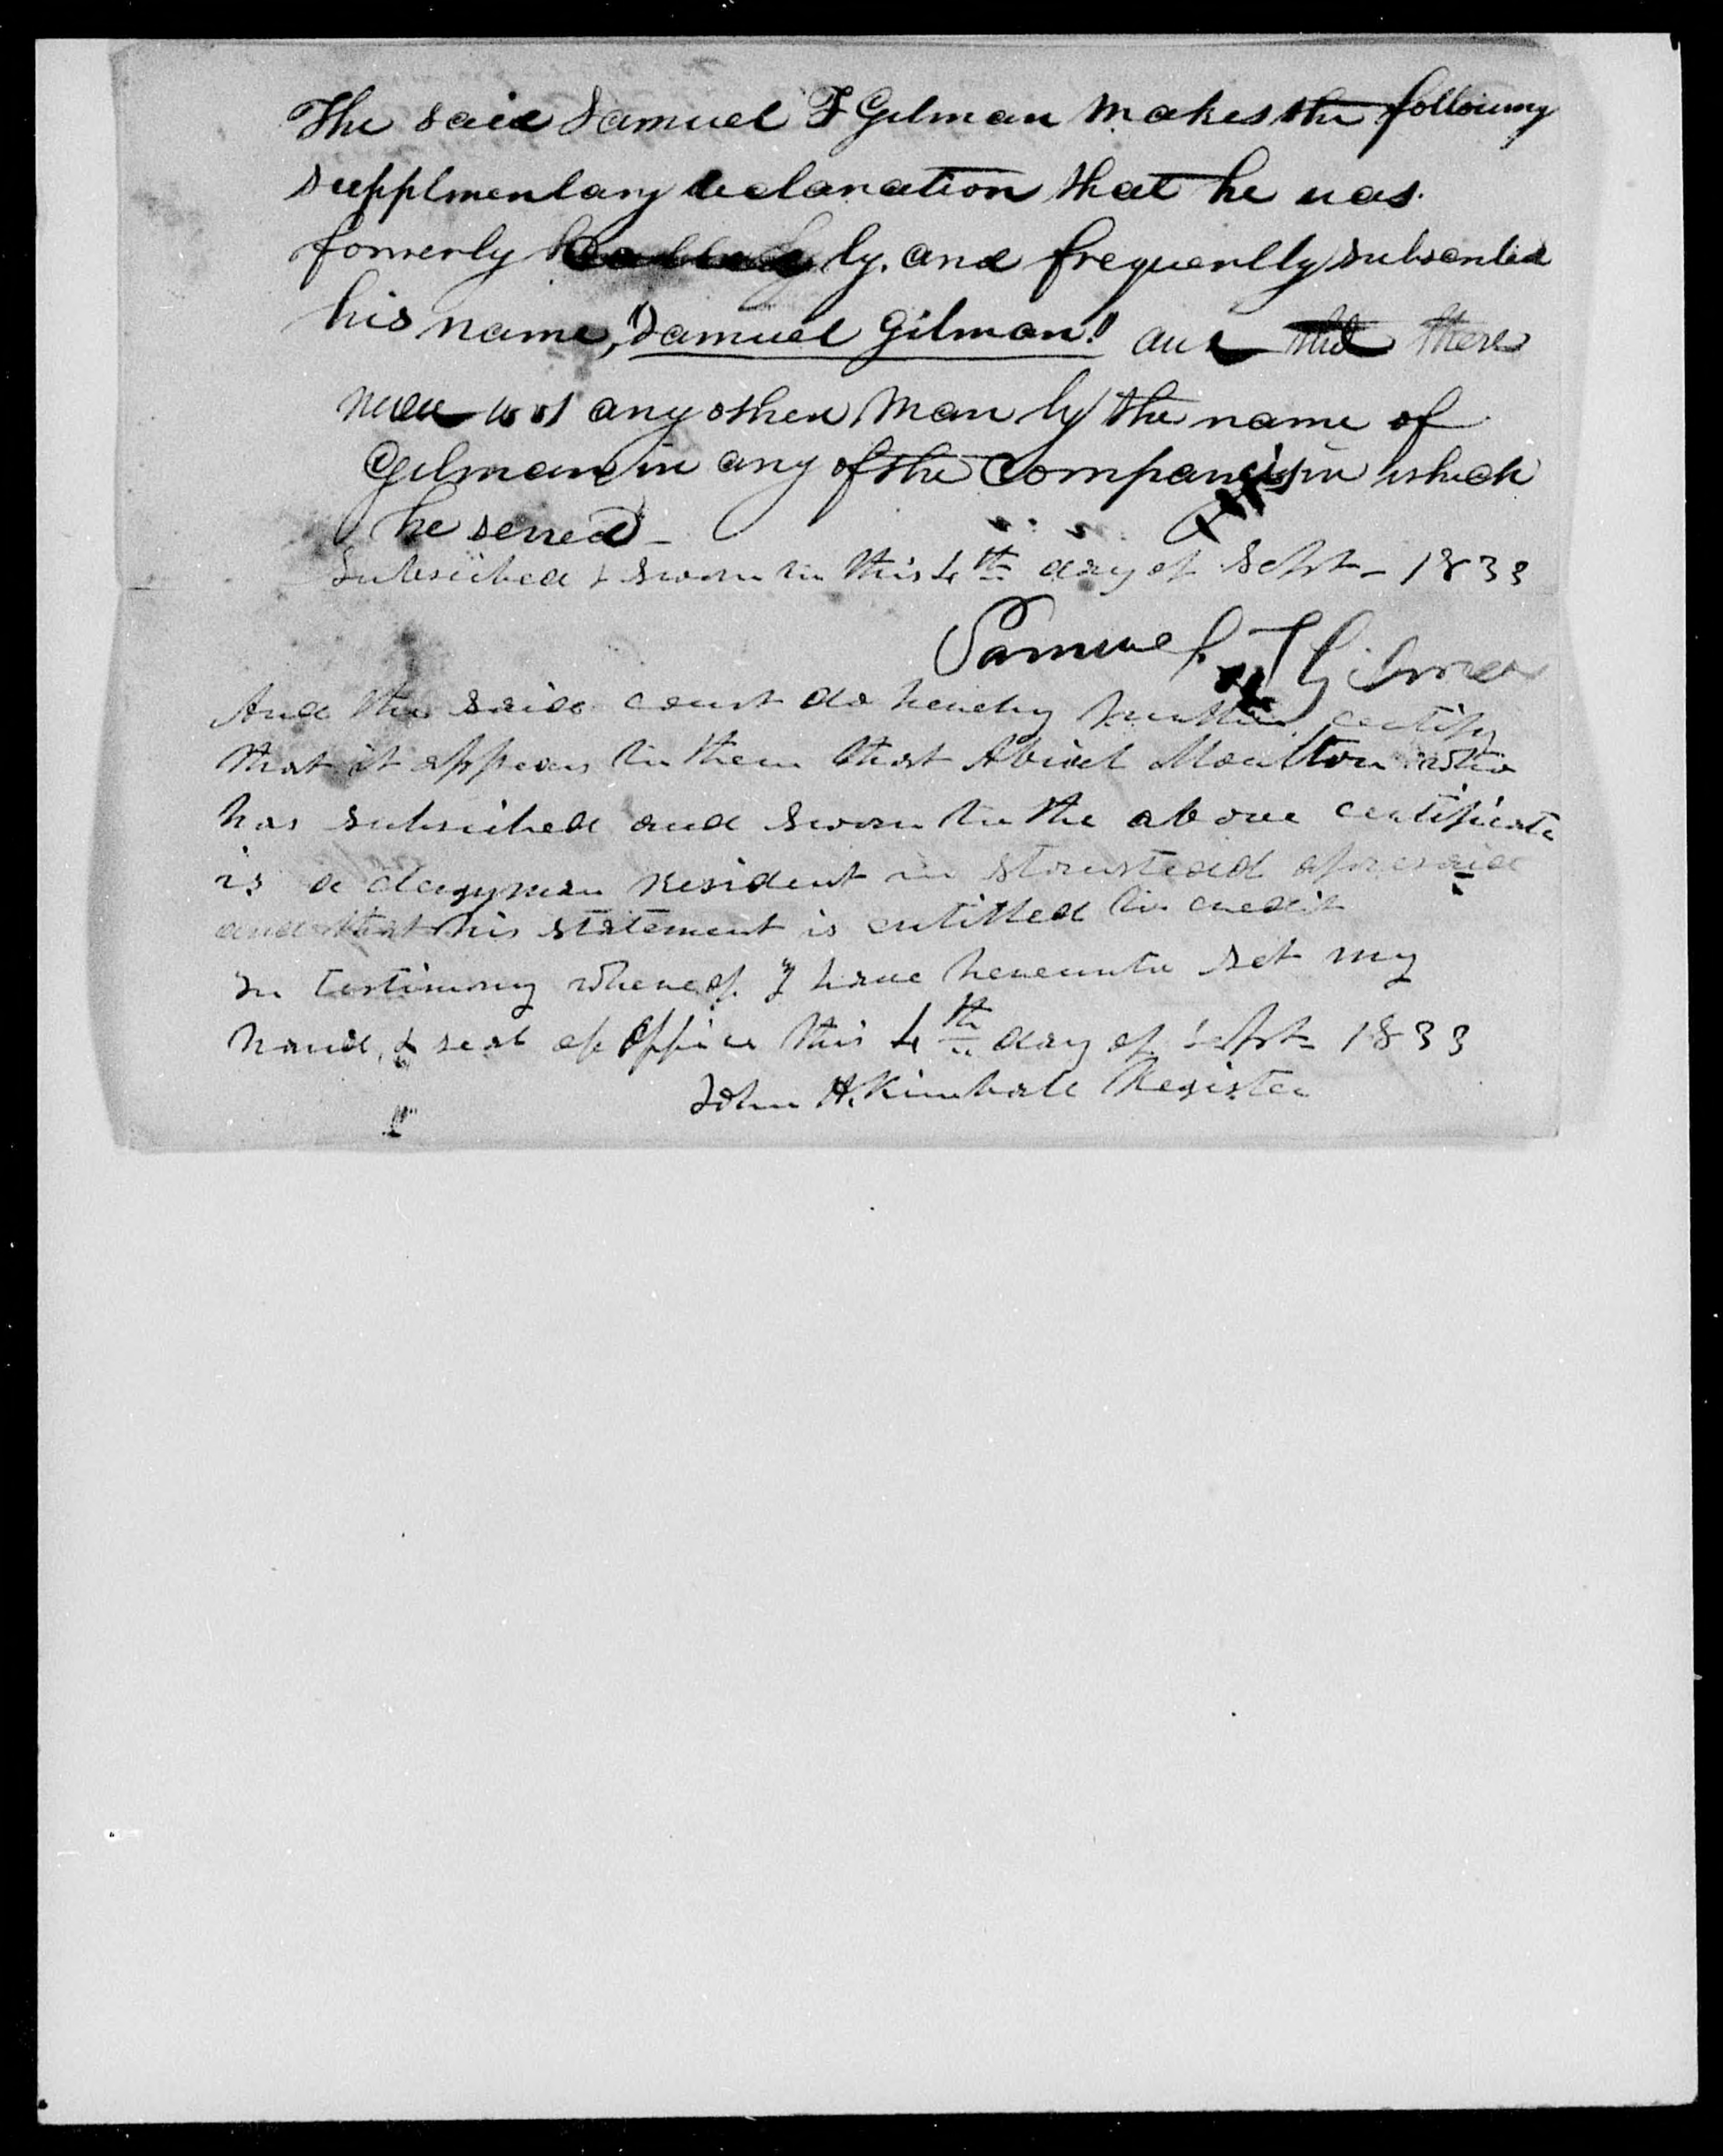The said Samuel T Gilman makes the following supplementary declaration that he was formerly [word scratched out] and frequently subscribed his name Samuel Gilman [name underscored] and that there never was any other man by that name of Gilman in any of the companies in which he served -
Subscribed & Sworn on this 4th day of Sept 1833
Samuel T Gilman
And the said court do hereby further certify that it appears [illeg] that Abial Moulton who has subscribed and sworn in the above certificate is a clergyman resident in [illeg] aforesaid and that his statement is entitled to credit
In testimony whereof I have hereunto set my hand & seal of office this 4th day of Sept 1833
John H Kimball Register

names: Samuel Gilman, John H Kimball, Abial Moulton, Gilman, Samuel T Gilman, Samuel T Gilman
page: 13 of 61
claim: widow's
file: W. 19500, Samuel Thing Gilman, Continental N.H.